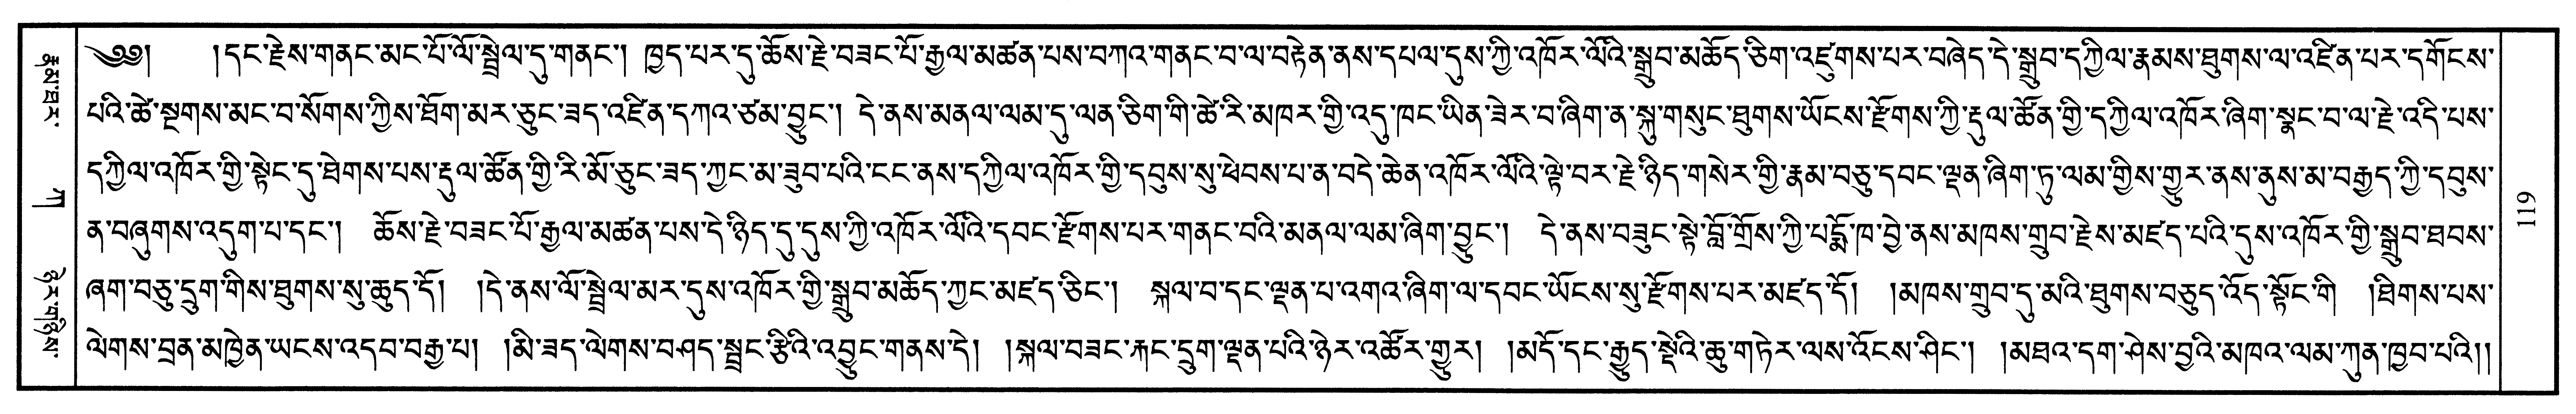༄༅། །དང་རྗེས་གནང་མང་པོ་ལོ་སྦྲེལ་དུ་གནང་། ཁྱད་པར་དུ་ཆོས་རྗེ་བཟང་པོ་རྒྱལ་མཚན་པས་བཀའ་གནང་བ་ལ་བརྟེན་ནས་དཔལ་དུས་ཀྱི་འཁོར་ལོའི་སྒྲུབ་མཆོད་ཅིག་འཛུགས་པར་བཞེད་དེ་སྒྲུབ་དཀྱིལ་རྣམས་ཐུགས་ལ་འཛིན་པར་དགོངས་
པའི་ཚེ་སྔགས་མང་བ་སོགས་ཀྱིས་ཐོག་མར་ཅུང་ཟད་འཛིན་དཀའ་ཙམ་བྱུང་། དེ་ནས་མནལ་ལམ་དུ་ལན་ཅིག་གི་ཚེ་རི་མཁར་གྱི་འདུ་ཁང་ཡིན་ཟེར་བ་ཞིག་ན་སྐུ་གསུང་ཐུགས་ཡོངས་རྫོགས་ཀྱི་རྡུལ་ཚོན་གྱི་དཀྱིལ་འཁོར་ཞིག་སྣང་བ་ལ་རྗེ་འདི་པས་
དཀྱིལ་འཁོར་གྱི་སྟེང་དུ་ཐེགས་པས་རྡུལ་ཚོན་གྱི་རི་མོ་ཅུང་ཟད་ཀྱང་མ་ཟུབ་པའི་ངང་ནས་དཀྱིལ་འཁོར་གྱི་དབུས་སུ་ཕེབས་པ་ན་བདེ་ཆེན་འཁོར་ལོའི་ལྟེ་བར་རྗེ་ཉིད་གསེར་གྱི་རྣམ་བཅུ་དབང་ལྡན་ཞིག་ཏུ་ལམ་གྱིས་གྱུར་ནས་ནུས་མ་བརྒྱད་ཀྱི་དབུས་
ན་བཞུགས་འདུག་པ་དང་། ཆོས་རྗེ་བཟང་པོ་རྒྱལ་མཚན་པས་དེ་ཉིད་དུ་དུས་ཀྱི་འཁོར་ལོའི་དབང་རྫོགས་པར་གནང་བའི་མནལ་ལམ་ཞིག་བྱུང་། དེ་ནས་བཟུང་སྟེ་བློ་གྲོས་ཀྱི་པདམོ་ཁ་བྱེ་ནས་མཁས་གྲུབ་རྗེས་མཛད་པའི་དུས་འཁོར་གྱི་སྒྲུབ་ཐབས་
ཞག་བཅུ་དྲུག་གིས་ཐུགས་སུ་ཆུད་དོ། །དེ་ནས་ལོ་སྦྲེལ་མར་དུས་འཁོར་གྱི་སྒྲུབ་མཆོད་ཀྱང་མཛད་ཅིང་། སྐལ་བ་དང་ལྡན་པ་འགའ་ཞིག་ལ་དབང་ཡོངས་སུ་རྫོགས་པར་མཛད་དོ། །མཁས་གྲུབ་དུ་མའི་ཐུགས་བཅུད་འོད་སྟོང་གི །ཐིགས་པས་
ལེགས་བྲན་མཁྱེན་ཡངས་འདབ་བརྒྱ་པ། །མི་ཟད་ལེགས་བཤད་སྦྲང་རྩིའི་འབྱུང་གནས་དེ། །སྐལ་བཟང་རྐང་དྲུག་ལྡན་པའི་ཉེར་འཚོར་གྱུར། །མདོ་དང་རྒྱུད་སྡེའི་ཆུ་གཏེར་ལས་འོངས་ཤིང་། །མཐའ་དག་ཤེས་བྱའི་མཁའ་ལམ་ཀུན་ཁྱབ་པའི། །